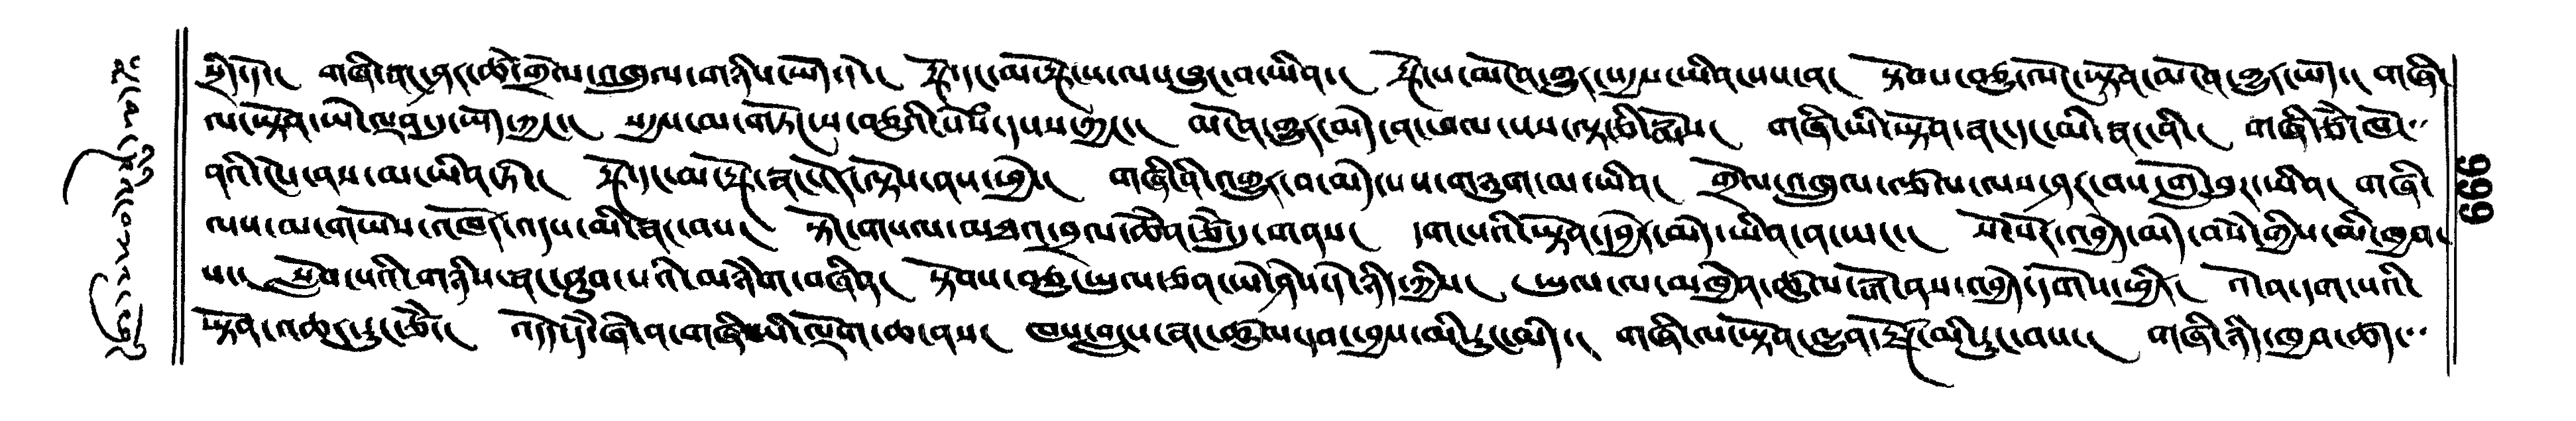སྲིད་དོ། །གཞི་སྣང་ཤར་ཚེ་གྲོལ་འཁྲུལ་གཉིས་ཡོད་དེ། །རྟོགས་དང་མ་རྟོགས་པ་ལས་བྱུང་བ་ཡིན། །རྟོགས་པ་མངོན་གྱུར་སངས་རྒྱས་ཡིན་པས་ན། །སྟོབས་བཅུ་ལ་སོགས་ཡོན་ཏན་མངོན་གྱུར་ཡོད། །གཞི་
ལ་ཡོན་ཏན་ཡེ་ལྡན་དུ་ཡོད་ཀྱང་། །སངས་རྒྱས་མ་གཏོགས་ས་བཅུའི་སེམས་དཔས་ཀྱང་། །མངོན་གྱུར་མེད་ན་ཕལ་པས་ལྟ་ཅི་སྨོས། །གཞི་ཡི་ཡོན་ཏན་སྣང་དང་མི་སྣང་ནི། །གཞི་ཙམ་ཁོ་
ནའི་ངོས་ནས་མ་ཡིན་ཏེ། །རྟོགས་དང་མ་རྟོགས་སྣང་ངོར་ལྟོས་ནས་ཕྱེ། །གཞི་ནི་འགྱུར་བ་མེད་པས་གཉུག་མ་ཡིན། །གྲོལ་འཁྲུལ་རྩལ་ལས་ཤར་བས་གློ་བུར་ཡིན། །གཞི་
ལས་མ་གཡོས་འཁོར་འདས་མི་སྣང་བས། །སྟོང་གསལ་མཐའ་བྲལ་ཆེན་པོ་ཙམ་དུ་གནས། །དག་པའི་ཡོན་ཏན་དབྱེར་མེད་ཡིན་ན་ཡང་། །སོ་སོར་འབྱེད་མེད་བསམ་གྱིས་མི་ཁྱབ་
པ། །སློབ་པའི་གཉིས་སྣང་ནུབ་པའི་མཉམ་བཞག་བཞིན། །སྟོབས་བཅུ་ཡུལ་ཅན་ཡེ་ཤེས་དེ་ཉིད་ཀྱིས། །ཡུལ་ལ་མཁྱེན་ཚུལ་སྒོ་ནས་འབྱེད་དགོས་ཕྱིར། །འོ་ན་དག་པའི་
ཡོན་ཏན་འཆར་རུང་ཙམ། །འདོད་དམ་ཞེ་ན་གཞི་ཡི་ལྡོག་ཆ་ནས། ཁས་བླངས་སྣང་ཚུལ་དབང་བྱས་མི་རུང་མེད། །གཞི་ལ་ཡོན་ཏན་ལྷུན་རྫོགས་མི་རུང་བས། །གཞི་ཉིད་ཁྱབ་ཚད་